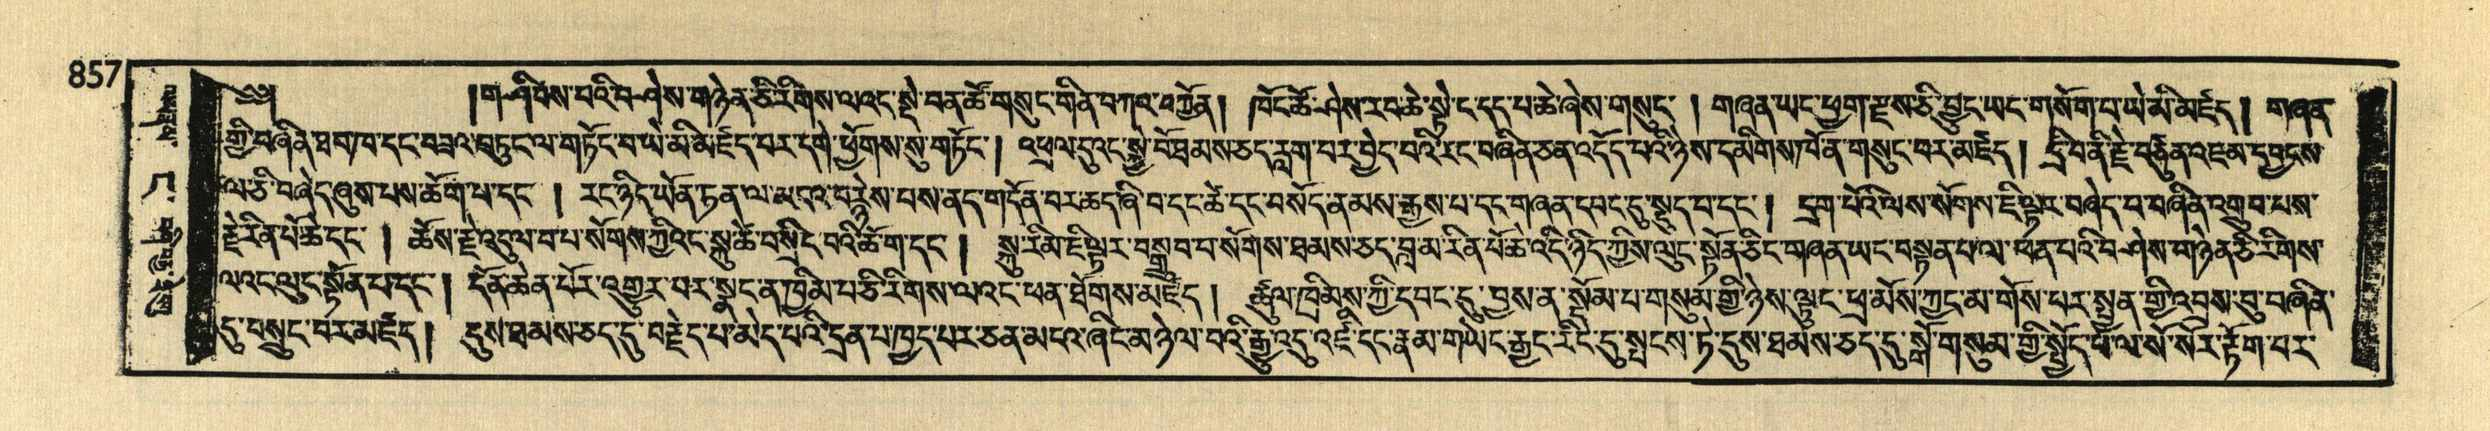༄༅། །གཤིབས་པའི་བཤེས་གཉེན་ཅི་རིགས་ལའང་སྡེ་བན་ཚོ་གསུང་གིན་བཀའ་བཀྱོན། ཁོང་ཚོ་ཤེས་རབ་ཆེ་སྟེ་ང་དད་པ་ཆེ་ཞེས་གསུང་། གཞན་ཡང་ཕྱག་རྫས་ཅི་བྱུང་ཡང་གསོག་པ་ཡེ་མི་མཛད། གཞན་
གྱི་བཞིན་ཐབ་ཁ་དང་བཟའ་བཏུང་ལ་གཏོང་བ་ཡེ་མི་མཛད་བར་དགེ་ཕྱོགས་སུ་གཏོང་། འཕྲལ་དུའང་སྐྱེ་བོ་ཐམས་ཅད་རླག་པར་བྱེད་པའི་རང་བཞིན་ཅན་འདོད་པའི་ཉེས་དམིགས་ཁོ་ན་གསུང་བར་མཛད། དྲི་བ་ནི་རྗེ་བཙུན་འཇམ་དབྱངས་
ལ་ཅི་བཞེད་ཞུས་པས་ཆོག་པ་དང་། རང་ཉིད་ཡོན་ཏན་ལ་མངའ་བརྙེས་པས་ནད་གདོན་བར་ཆད་ཞི་བ་དང་ཚེ་དང་བསོད་ནམས་རྒྱས་པ་དང་གཞན་དབང་དུ་སྡུད་པ་དང་། དྲག་པོའི་ལས་སོགས་ཇི་ལྟར་བཞེད་པ་བཞིན་འགྲུབ་པས་
རྗེ་རིན་པོ་ཆེ་དང་། ཆོས་རྗེ་འདུལ་བ་པ་སོགས་ཀྱིའང་སྐུ་ཚེ་བསྲིང་བའི་ཆོ་ག་དང་། སྐུ་རིམ་ཇི་ལྟར་བསྒྲུབ་པ་སོགས་ཐམས་ཅད་བླ་མ་རིན་པོ་ཆེ་འདི་ཉིད་ཀྱིས་ལུང་སྟོན་ཅིང་གཞན་ཡང་བསྟན་པ་ལ་ཕན་པའི་བཤེས་གཉེན་ཅི་རིགས་
ལའང་ལུང་སྟོན་པ་དང་། དོན་ཆེན་པོར་འགྱུར་པར་སྣང་ན་ཁྱིམ་པ་ཅི་རིགས་ལའང་ཕན་ཐོགས་མཛད། ཚུལ་ཁྲིམས་ཀྱི་དབང་དུ་བྱས་ན་སྡོམ་པ་གསུམ་གྱི་ཉེས་ལྟུང་ཕྲ་མོས་ཀྱང་མ་གོས་པར་སྤྱན་གྱི་འབྲས་བུ་བཞིན་
དུ་བསྲུང་བར་མཛད། དུས་ཐམས་ཅད་དུ་བརྗེད་པ་མེད་པའི་དྲན་པ་ཁྱད་པར་ཅན་མངའ་ཞིང་མཉེལ་བའི་རྒྱུ་འདུ་འཛི་དང་རྣམ་གཡེང་རྒྱང་རིང་དུ་སྤངས་ཏེ་དུས་ཐམས་ཅད་དུ་སྒོ་གསུམ་གྱི་སྤྱོད་པ་ལ་སོ་སོར་རྟོག་པར་